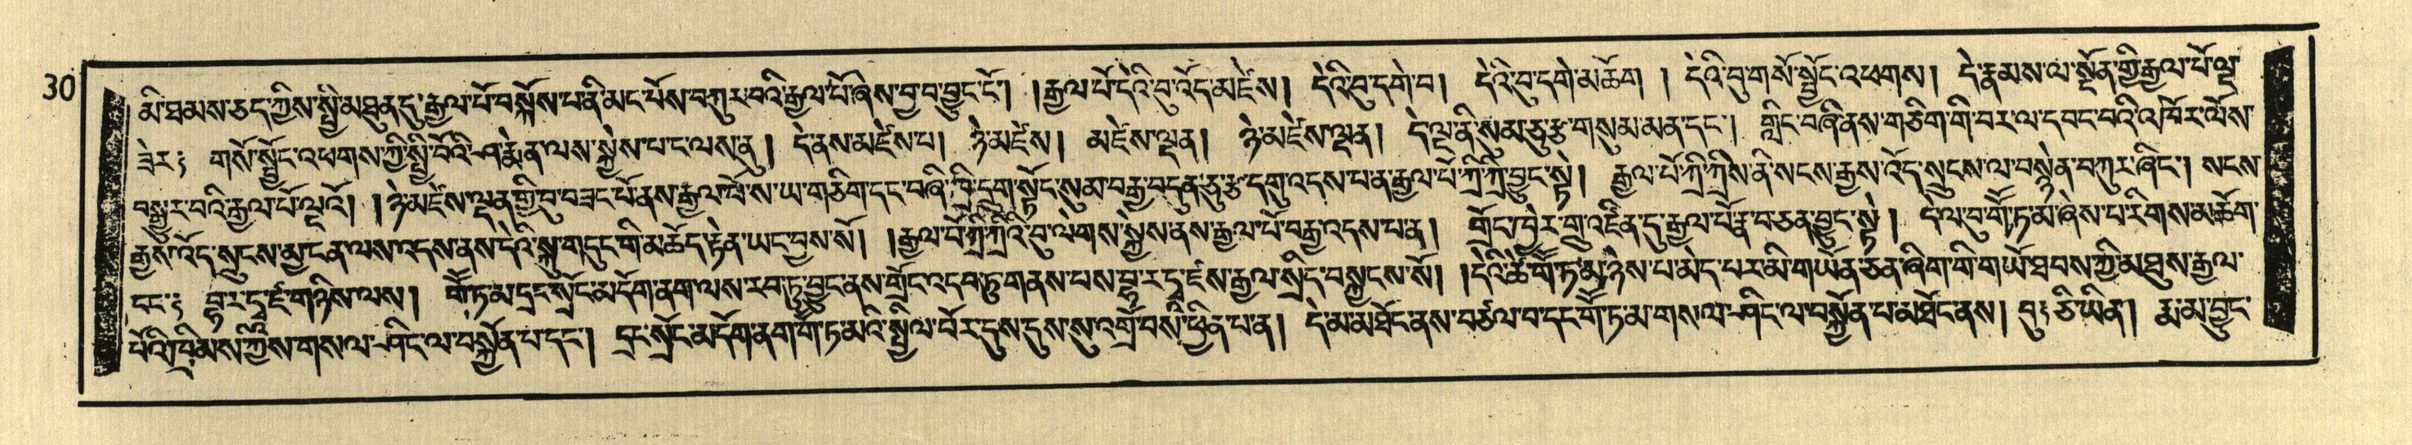མི་ཐམས་ཅད་ཀྱིས་སྤྱི་མཐུན་དུ་རྒྱལ་པོ་བསྐོས་པ་ནི་མང་པོས་བཀུར་བའི་རྒྱལ་པོ་ཞེས་བྱ་བ་བྱུང་ངོ། །རྒྱལ་པོ་དེའི་བུ་འོད་མཛེས། དེའི་བུ་དགེ་བ། དེའི་བུ་དགེ་མཆོག །དེའུ་བུ་གསོ་སྦྱོང་འཕགས། དེ་རྣམས་ལ་སྔོན་གྱི་རྒྱལ་པོ་ལྔ་
ཟེར༑ གསོ་སྦྱོང་འཕགས་ཀྱི་སྤྱི་བོའི་ཤ་རྨེན་ལས་སྐྱེས་པ་ང་ལས་ནུ། དེ་ནས་མཛེས་པ། ཉེ་མཛེས། མཛེས་ལྡན། ཉེ་མཛེས་ལྡན། དེ་ལྔ་ནི་སུམ་ཅུ་རྩ་གསུམ་མན་དང་། གླིང་བཞི་ནས་གཅིག་གི་བར་ལ་དབང་བའི་འཁོར་ལོས་
བསྒྱུར་བའི་རྒྱལ་པོ་ལྔའོ། །ཉེ་མཛེས་ལྡན་གྱི་བུ་བཟང་པོ་ནས་རྒྱལ་ལོ་ས་ཡ་གཅིག་དང་བཞི་ཁྲི་དྲུག་སྟོང་སུམ་བརྒྱ་བདུན་ཅུ་རྩ་དགུ་འདས་པ་ན་རྒྱལ་པོ་ཀྲི་ཀྲི་བྱུང་སྟེ། རྒྱལ་པོ་ཀྲི་ཁྲིས་ནི་སངས་རྒྱས་འོད་སྲུངས་ལ་བསྙེན་བཀུར་ཞིང་། སངས་
རྒྱས་འོད་སྲུངས་མྱ་ངན་ལས་འདས་ནས་དེའི་སྐུ་གདུང་གི་མཆོད་རྟེན་ཡང་བྱས་སོ། །རྒྱལ་བོ་ཀྲི་རིའི་བུ་ལེགས་སྐྱེས་ནས་རྒྱལ་པོ་བརྒྱ་འདས་པ་ན། གྲོང་ཁྱེར་གྲུ་འཛིན་དུ་རྒྱལ་པོ་རྣ་བ་ཅན་བྱུང་སྟེ། དེ་ལ་བུ་གཽ་ཏ་མ་ཞེས་པ་རིགས་མཆོག་
ངང༑ བྷ་ར་དྭཱ་ཛ་གཉིས་ལས། གཽ་ཏ་མ་དྲང་སྲོང་མདོག་ནག་ལས་རབ་ཏུ་བྱུང་ནས་གྲོང་འདབ་ཏུ་གནས་པས་བྷ་ར་དྭཱ་ཛས་རྒྱལ་སྲིད་བསྐྱངས་སོ། །དེའི་ཚེ་གཽ་ཏ་མ་ཉེས་པ་མེད་པར་མི་གཡོན་ཅན་ཞིག་གི་གཡོ་ཐབས་ཀྱི་མཐུས་རྒྱལ་
པོའི་ཁྲིམས་ཀྱིས་གསལ་ཤིང་ལ་བསྐྱོན་པ་དང་། དྲང་སྲོང་མདོག་ནག་གཽ་ཏ་མའི་སྤྱིལ་བོར་དུས་དུས་སུ་འགྲོ་བས་ཕྱིན་པ་ན། དེ་མ་མཐོང་ནས་བཙལ་བ་དང་གཽ་ཏ་མ་གསལ་ཤིང་ལ་བསྐྱོན་པ་མཐོང་ནས། བུད་ཅི་ཡིན། རྨ་མ་བྱུང་